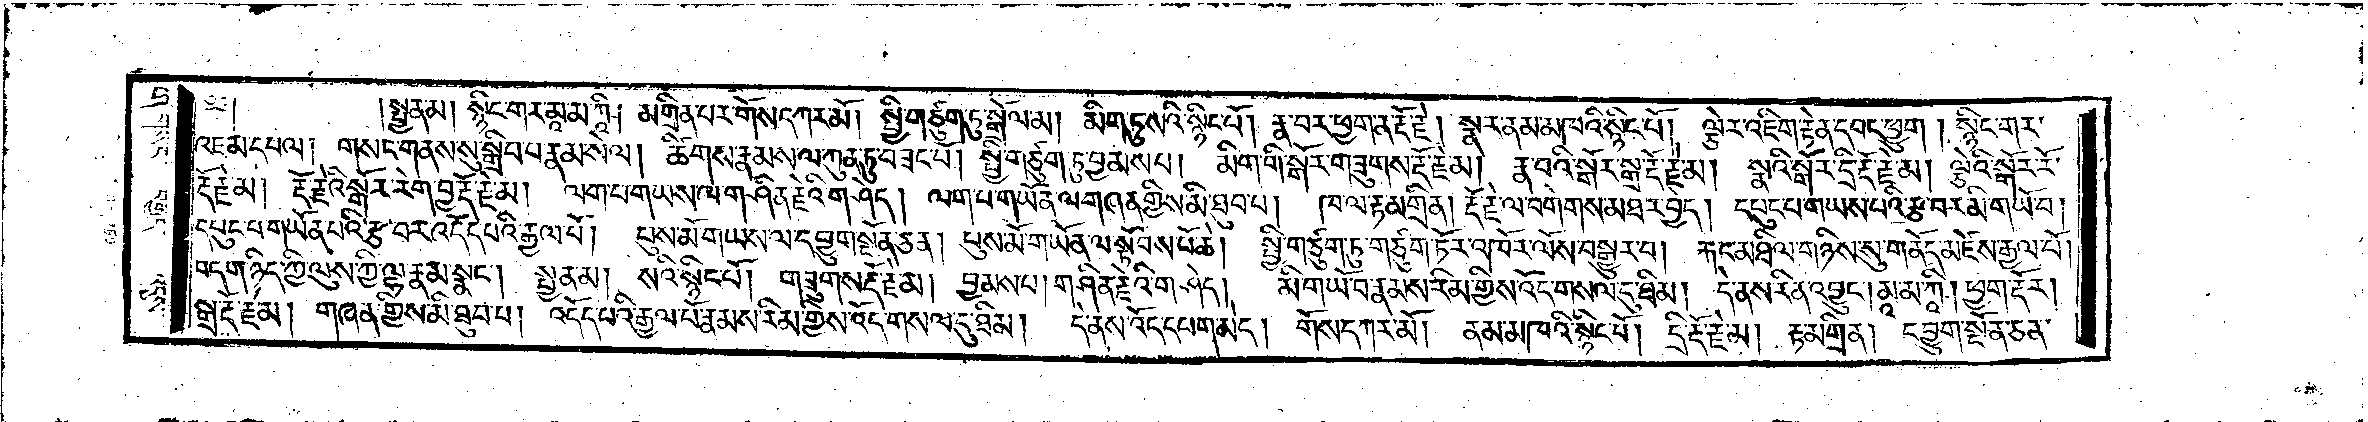༄༅། །སྤྱན་མ། སྙིང་གར་མཱ་མ་ཀཱི། མགྲིན་པར་གོས་དཀར་མོ། སྤྱི་གཙུག་ཏུ་སྒྲོལ་མ། མིག་ཏུ་སའི་སྙིང་པོ། རྣ་བར་ཕྱག་ན་རྡོ་རྗེ། སྣར་ནམ་མཁའི་སྙིང་པོ། ལྕེར་འཇིག་རྟེན་དབང་ཕྱུག། སྙིང་གར་
འཇམ་དཔལ། གསང་གནས་སུ་སྒྲིབ་པ་རྣམས་སེལ། ཚིགས་རྣམས་ལ་ཀུན་ཏུ་བཟང་པོ། སྤྱི་གཙུག་ཏུ་བྱམས་པ། མིག་གི་སྒོར་གཟུགས་རྡོ་རྗེ་མ། རྣ་བའི་སྒོར་སྒྲ་རྡོ་རྗེ་མ། སྣའི་སྒོར་དྲི་རྡོ་རྗེ་མ། ལྕེའི་སྒོར་རོ་
རྡོ་རྗེ་མ། རྡོ་རྗེའི་སྒོར་རེག་བྱ་རྡོ་རྗེ་མ། ལག་པ་གཡས་ལ་གཤིན་རྗེའི་གཤེད། ལག་པ་གཡོན་ལ་གཞན་གྱིས་མི་ཐུབ་པ། ཁ་ལ་རྟ་མགྲིན། རྡོ་རྗེ་ལ་བགེགས་མཐར་བྱེད། དཔུང་པ་གཡས་པའི་རྩ་བར་མི་གཡོ་བ།
དཔུང་པ་གཡོན་པའི་རྩ་བར་འདོད་པའི་རྒྱལ་པོ། པུས་མོ་གཡས་ལ་དབྱུག་སྔོན་ཅན། པུས་མོ་གཡོན་ལ་སྟོབས་པོ་ཆེ། སྤྱི་གཙུག་ཏུ་གཙུག་ཏོར་འཁོར་ལོས་བསྒྱུར་བ། རྐང་མཐིལ་གཉིས་སུ་གནོད་མཛེས་རྒྱལ་པོ།
བདག་ཉིད་ཀྱི་ལུས་ཀྱི་ལྷ་རྣམ་སྣང་། སྤྱན་མ། སའི་སྙིང་པོ། གཟུགས་རྡོ་རྗེ་མ། བྱམས་པ། གཤིན་རྗེའི་གཤེད། མི་གཡོ་བ་རྣམས་རིམ་གྱིས་འོད་གསལ་དུ་ཐིམ། དེ་ནས་རིན་འབྱུང་། མཱ་མ་ཀཱི། ཕྱག་རྡོར།
སྒྲ་རྡོ་རྗེ་མ། གཞན་གྱིས་མི་ཐུབ་པ། འདོད་པའི་རྒྱལ་པོ་རྣམས་རིམ་གྱིས་འོད་གསལ་དུ་ཐིམ། དེ་ནས་འོད་དཔག་མེད། གོས་དཀར་མོ། ནམ་མཁའི་སྙིང་པོ། དྲི་རྡོ་རྗེ་མ། རྟ་མགྲིན། དབྱུག་སྔོན་ཅན་